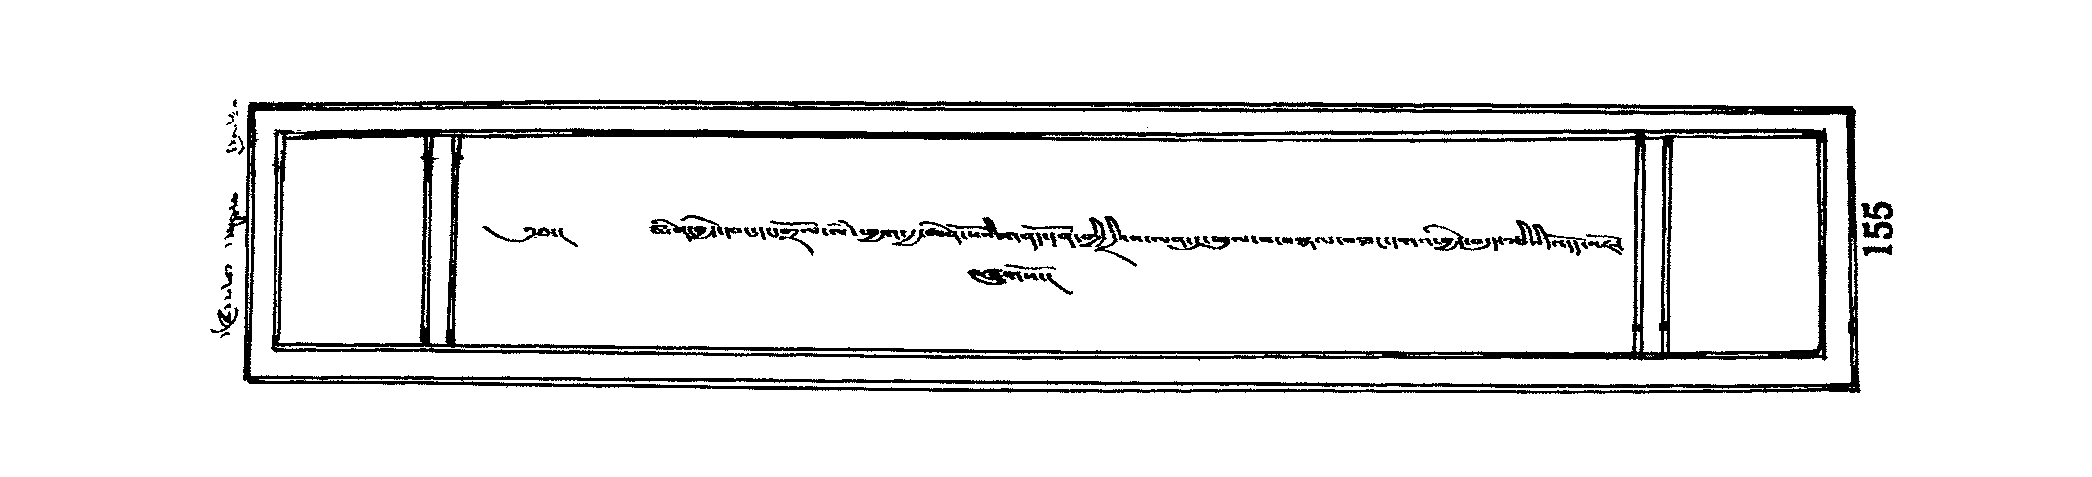༄༅། སྨིན་བྱེད་དབང་དང་གྲོལ་ལམ་ཕྱག་རྒྱ་ཆེན་པོའི་གནད་དོན་གྱི་དྲི་བ་ལན་དུ་ཕུལ་བ་སྐལ་བཟང་དགའ་བྱེད་བདུད་རྩིའི་འདོད་འཇོ་
 བཞུགས་སོ།